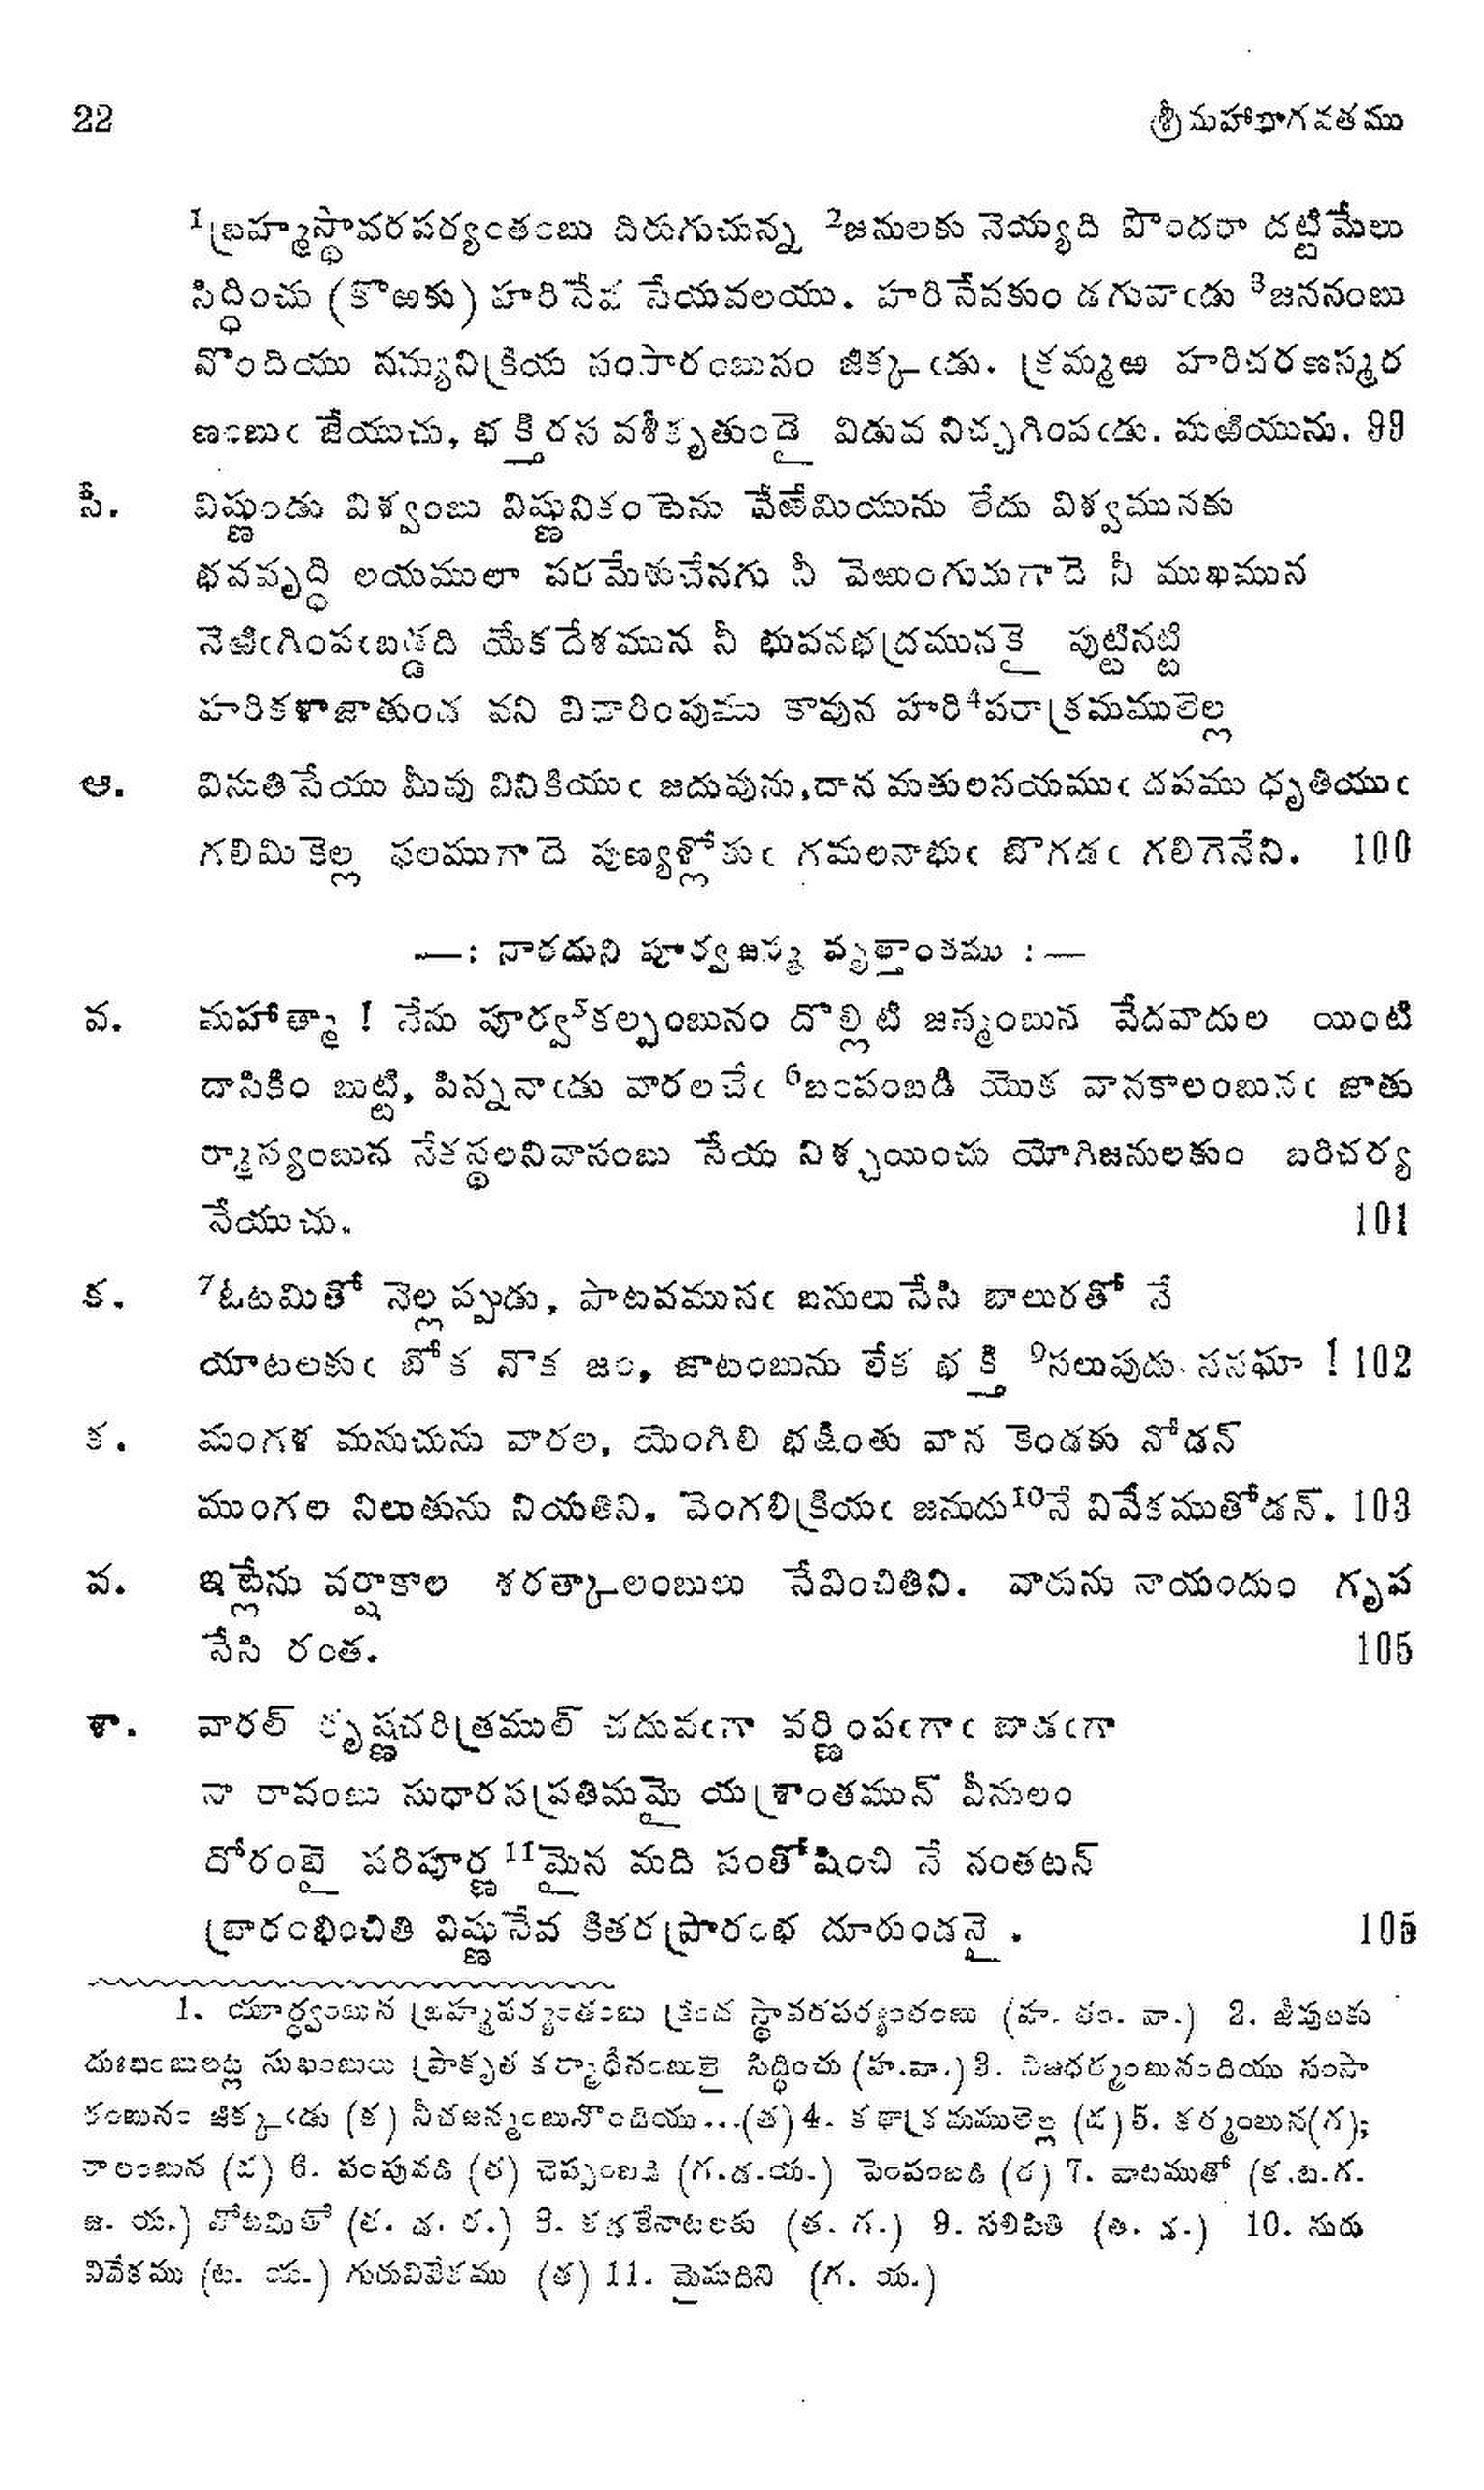22

బ్రహ్మస్థావర పర్యంతంబు తిరుగుచున్న జనులకు నెయ్యది పొందరా దట్టి మేలు సిద్ధించు (కొఱకు) హరిసేవ సేయవలయు. హరిసేవకుం డగువాఁడు జననంబు నొందియు నన్యుని క్రియ సంసారంబునం జిక్కఁడు. క్రమ్మఱ హరిచరణ స్మరణంబుఁ జేయుచు భక్తిరస వశీకృతుండై విడువ నిచ్చగింపఁడు. మఱియును, (1-99)

సీ. విష్ణుండు విశ్వంబు విష్ణుని కంటెను, వేఱేమియును లేదు విశ్వమునకు

భవవృద్ధి లయములా పరమేశుచే నగు, నీ వెఱుంగుదు కాదె నీ ముఖమున

నెఱిఁగింపఁబడ్డది యేకదేశమున నీ, భువన భద్రమునకై పుట్టినట్టి

హరికళాజాతుండ వని విచారింపుము, కావున హరిపరాక్రమము లెల్ల

ఆ.వె. వినుతి సేయుమీవు వినికియుఁ జదువును, దాన మతుల నయముఁ దపము ధృతియుఁ

గలిమి కెల్ల ఫలము కాదె పుణ్యశ్లోకుఁ , గమలనాభుఁ బొగడఁ గలిగెనేని. (1-100)

వ. మహాత్మా ! నేను పూర్వకల్పంబునం దొల్లిఁటి జన్మంబున వేదవాదుల యింటి దాసికిం బుట్టి పిన్ననాఁడు వారలచేఁ బంపంబడి యొక వానకాలంబునఁ జాతుర్మాస్యంబున నేకస్థల నివాసంబు సేయ నిశ్చయించు యోగిజనులకుం బరిచర్య సేయుచు, (1-101)

కం. ఓటమితో నెల్లప్పుడుఁ , బాటవమునఁ బనులు సేసి బాలురతో నే

యాటలకుఁ బోక నొక జం,జాటంబును లేక భక్తి సలుపుదు ననఘా ! (1-102)

కం. మంగళమనుచును వారల, యెంగిలి భక్షింతు వాన కెండకు నోడన్

ముంగల నిలతును నియతిని, వెంగలి క్రియఁ జనుదు నే వివేకము తోడన్. (1-103)

వ. ఇట్లేను వర్షాకాల శరత్కాలంబులు సేవించితిని. వారును నా యందుఁ గృప సేసిరంత. (1-104)

శా. వారల్ కృష్ణచరిత్రముల్ చదువఁగా వర్ణింపఁగాఁ బాడఁగా

నా రావంబు సుధాప్రతిమమై యశ్రాంతమున్ వీనులం

దోరంబై పరిపూర్ణమైన మది సంతోషించి నేనంతటన్

బ్రారంభించితి విష్ణుసేవ కితర ప్రారంభదూరుండనై. (1-105)